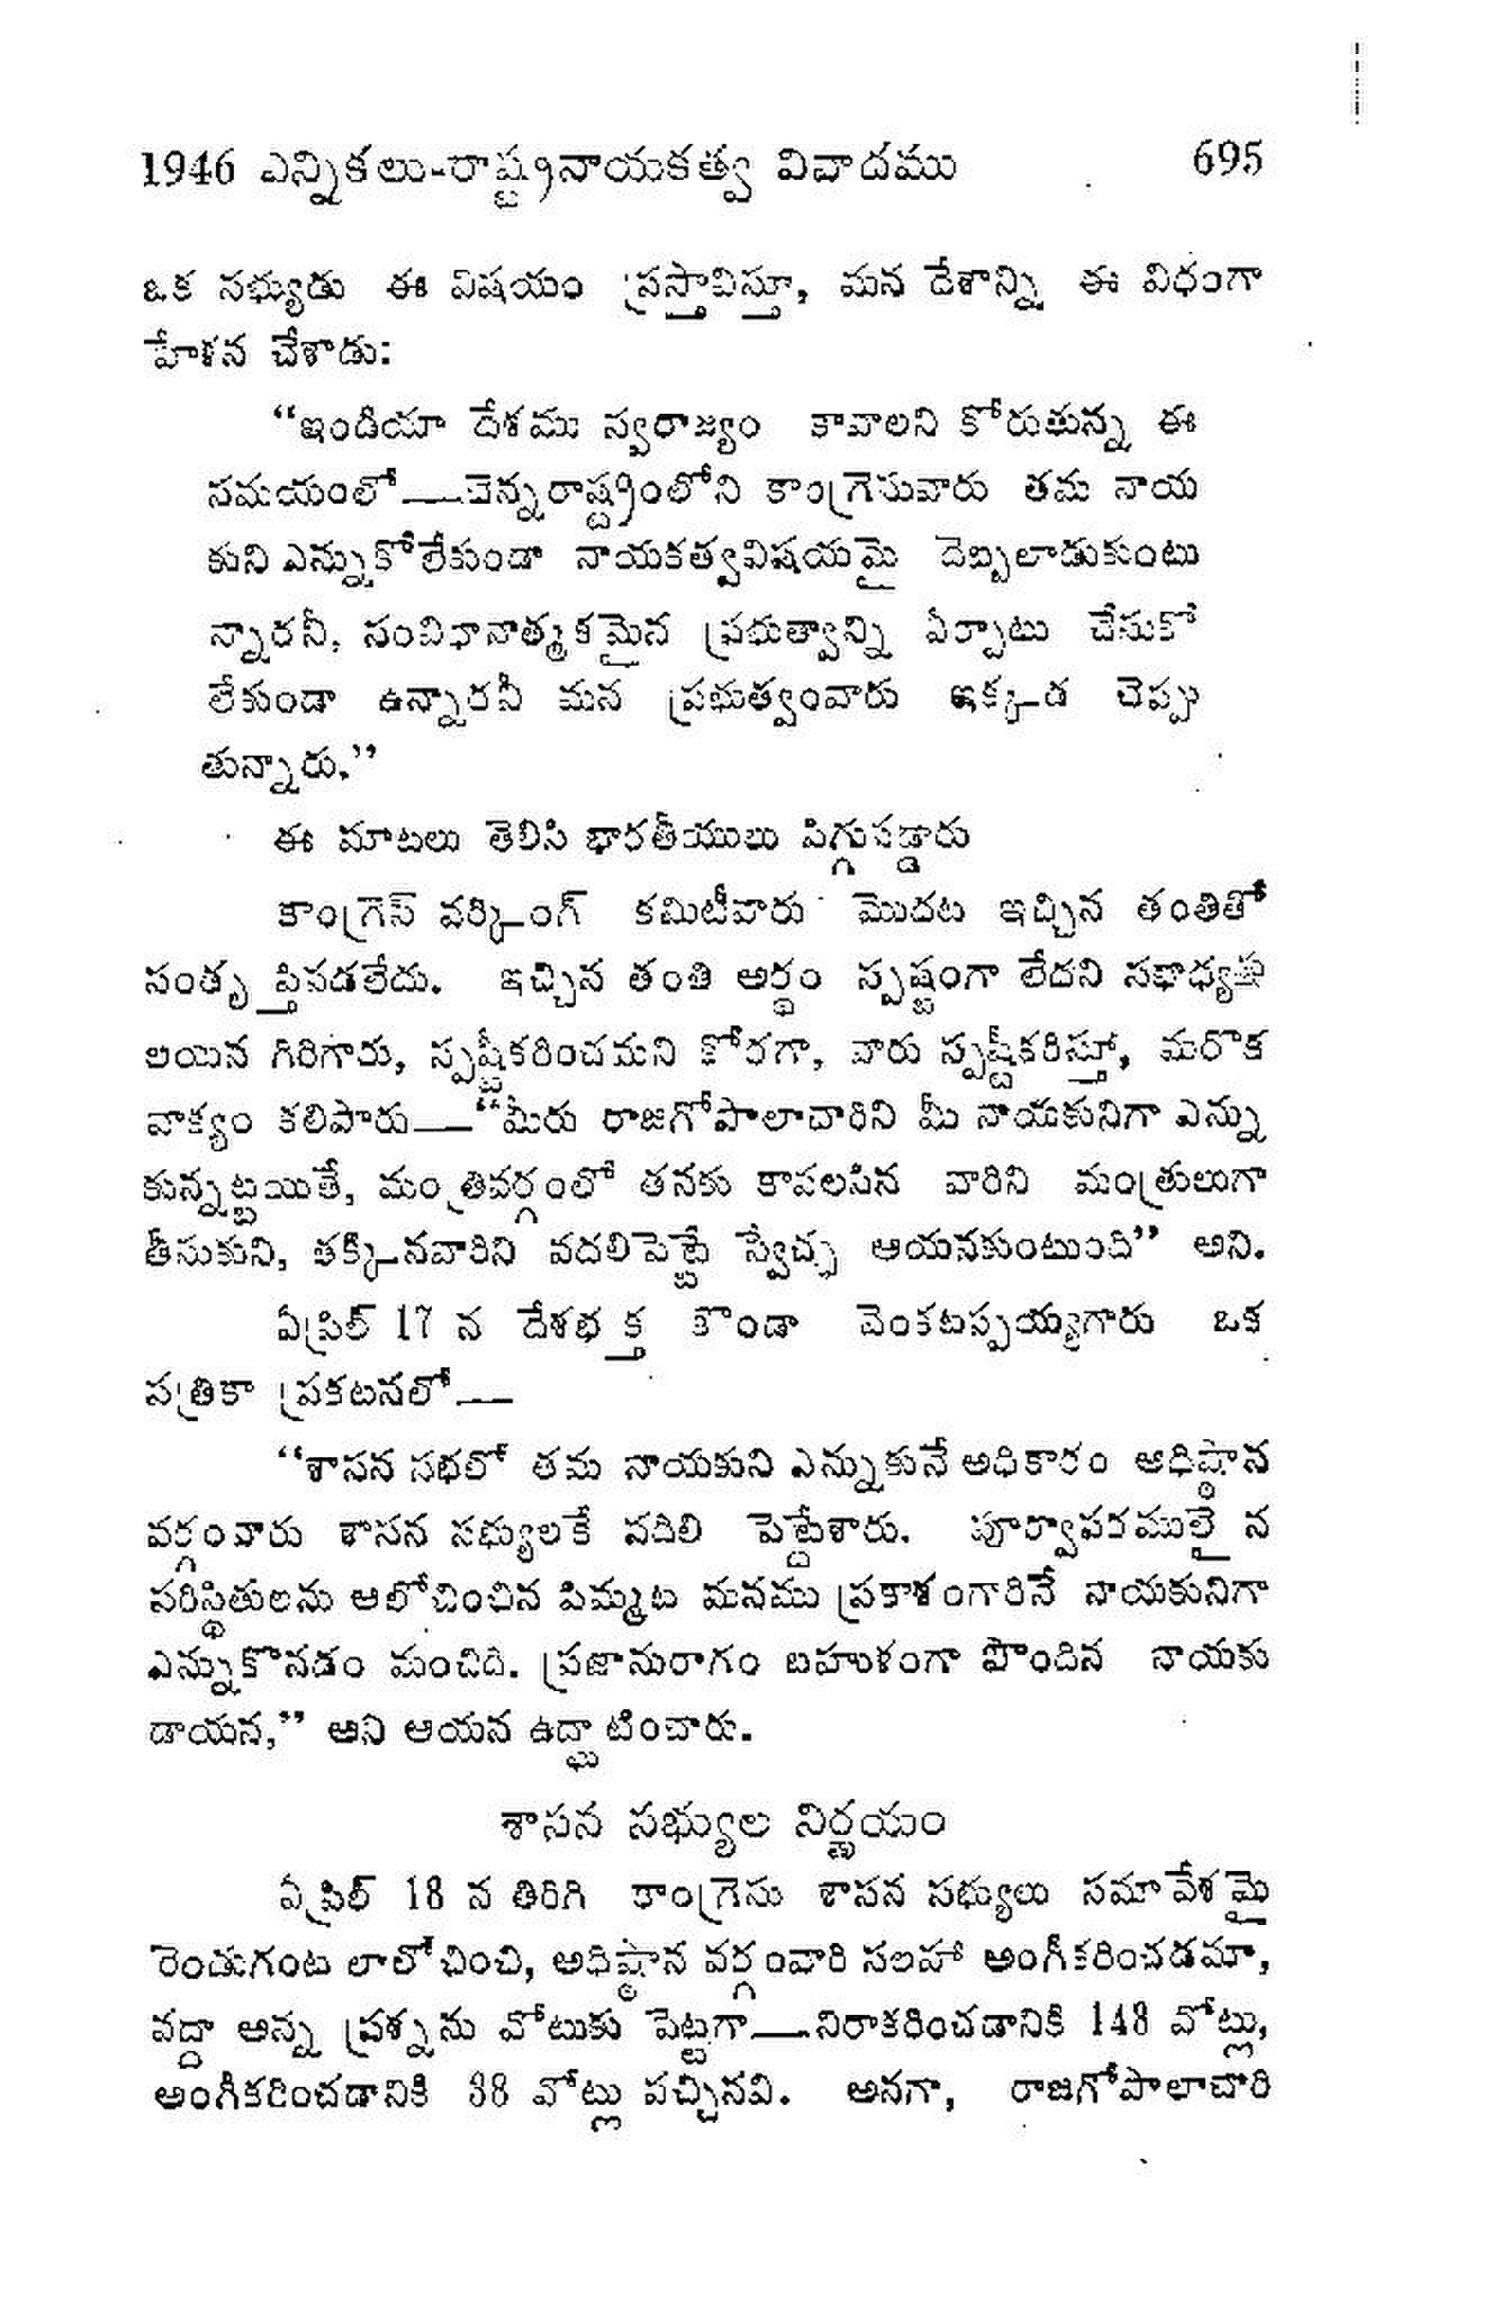ఒక సభ్యుడు ఈ విషయం ప్రస్తావిస్తూ, మన దేశాన్ని ఈ విధంగా హేళన చేశాడు:

"ఇండియా దేశము: స్వరాజ్యం కావాలని కోరుకున్న ఈ సమయంలో - చెన్నరాష్ట్రంలోని కాంగ్రెసువారు తమ నాయకుని ఎన్నుకోలేకుండా నాయకత్వవిషయమై దెబ్బలాడు కుంటున్నారనీ, సంవిధానాత్మకమైన ప్రభుత్వాన్ని ఏర్పాటు చేసుకో లేకుండా ఉన్నారనీ మన ప్రభుత్వంవారు ఇక్కడ చెప్పుతున్నారు."

ఈ మాటలు తెలిసి భారతీయులు సిగ్గుపడ్డారు.

కాంగ్రెస్ వర్కింగ్ కమిటీవారు మొదట ఇచ్చిన తంతితో సంతృప్తిపడలేదు. ఇచ్చిన తంతి అర్థం స్పష్టంగా లేదని సభాధ్యక్షులయిన గిరిగారు, స్పష్టీకరించమని కోరగా, వారు స్పష్టీకరిస్తూ, మరొక వాక్యం కలిపారు - "మీరు రాజగోపాలాచారిని మీ నాయకునిగా ఎన్నుకున్నట్టయితే, మంత్రివర్గంలో తనకు కావలసిన వారిని మంత్రులుగా తీసుకుని, తక్కినవారిని వదలిపెట్టే స్వేచ్ఛ ఆయనకుంటుంది" అని.

ఏప్రిల్ 17 న దేశభక్త కొండా వెంకటప్పయ్యగారు ఒక పత్రికా ప్రకటనలో --

"శాసన సభలో తమ నాయకుని ఎన్నుకునే అధికారం అధిష్ఠానవర్గంవారు శాసన సభ్యులకే వదిలి పెట్టేశారు. పూర్వాపరములైన పరిస్థితులను ఆలోచించిన పిమ్మట మనము ప్రకాశంగారినే నాయకునిగా ఎన్నుకొనడం మంచిది. ప్రజానురాగం బహుళంగా పొందిన నాయకుడాయన," అని ఆయన ఉద్ఘాటించారు.

ఏప్రిల్ 18 న తిరిగి కాంగ్రెసు శాసన సభ్యులు సమావేశమై రెండుగంట లాలోచించి, అధిష్ఠాన వర్గంవారి సలహా అంగీకరించడమా, వద్దా అన్న ప్రశ్నను వోటుకు పెట్టగా - నిరాకరించడానికి 148 వోట్లు, అంగీకరించడానికి 38 వోట్లు వచ్చినవి. అనగా, రాజగోపాలాచారి